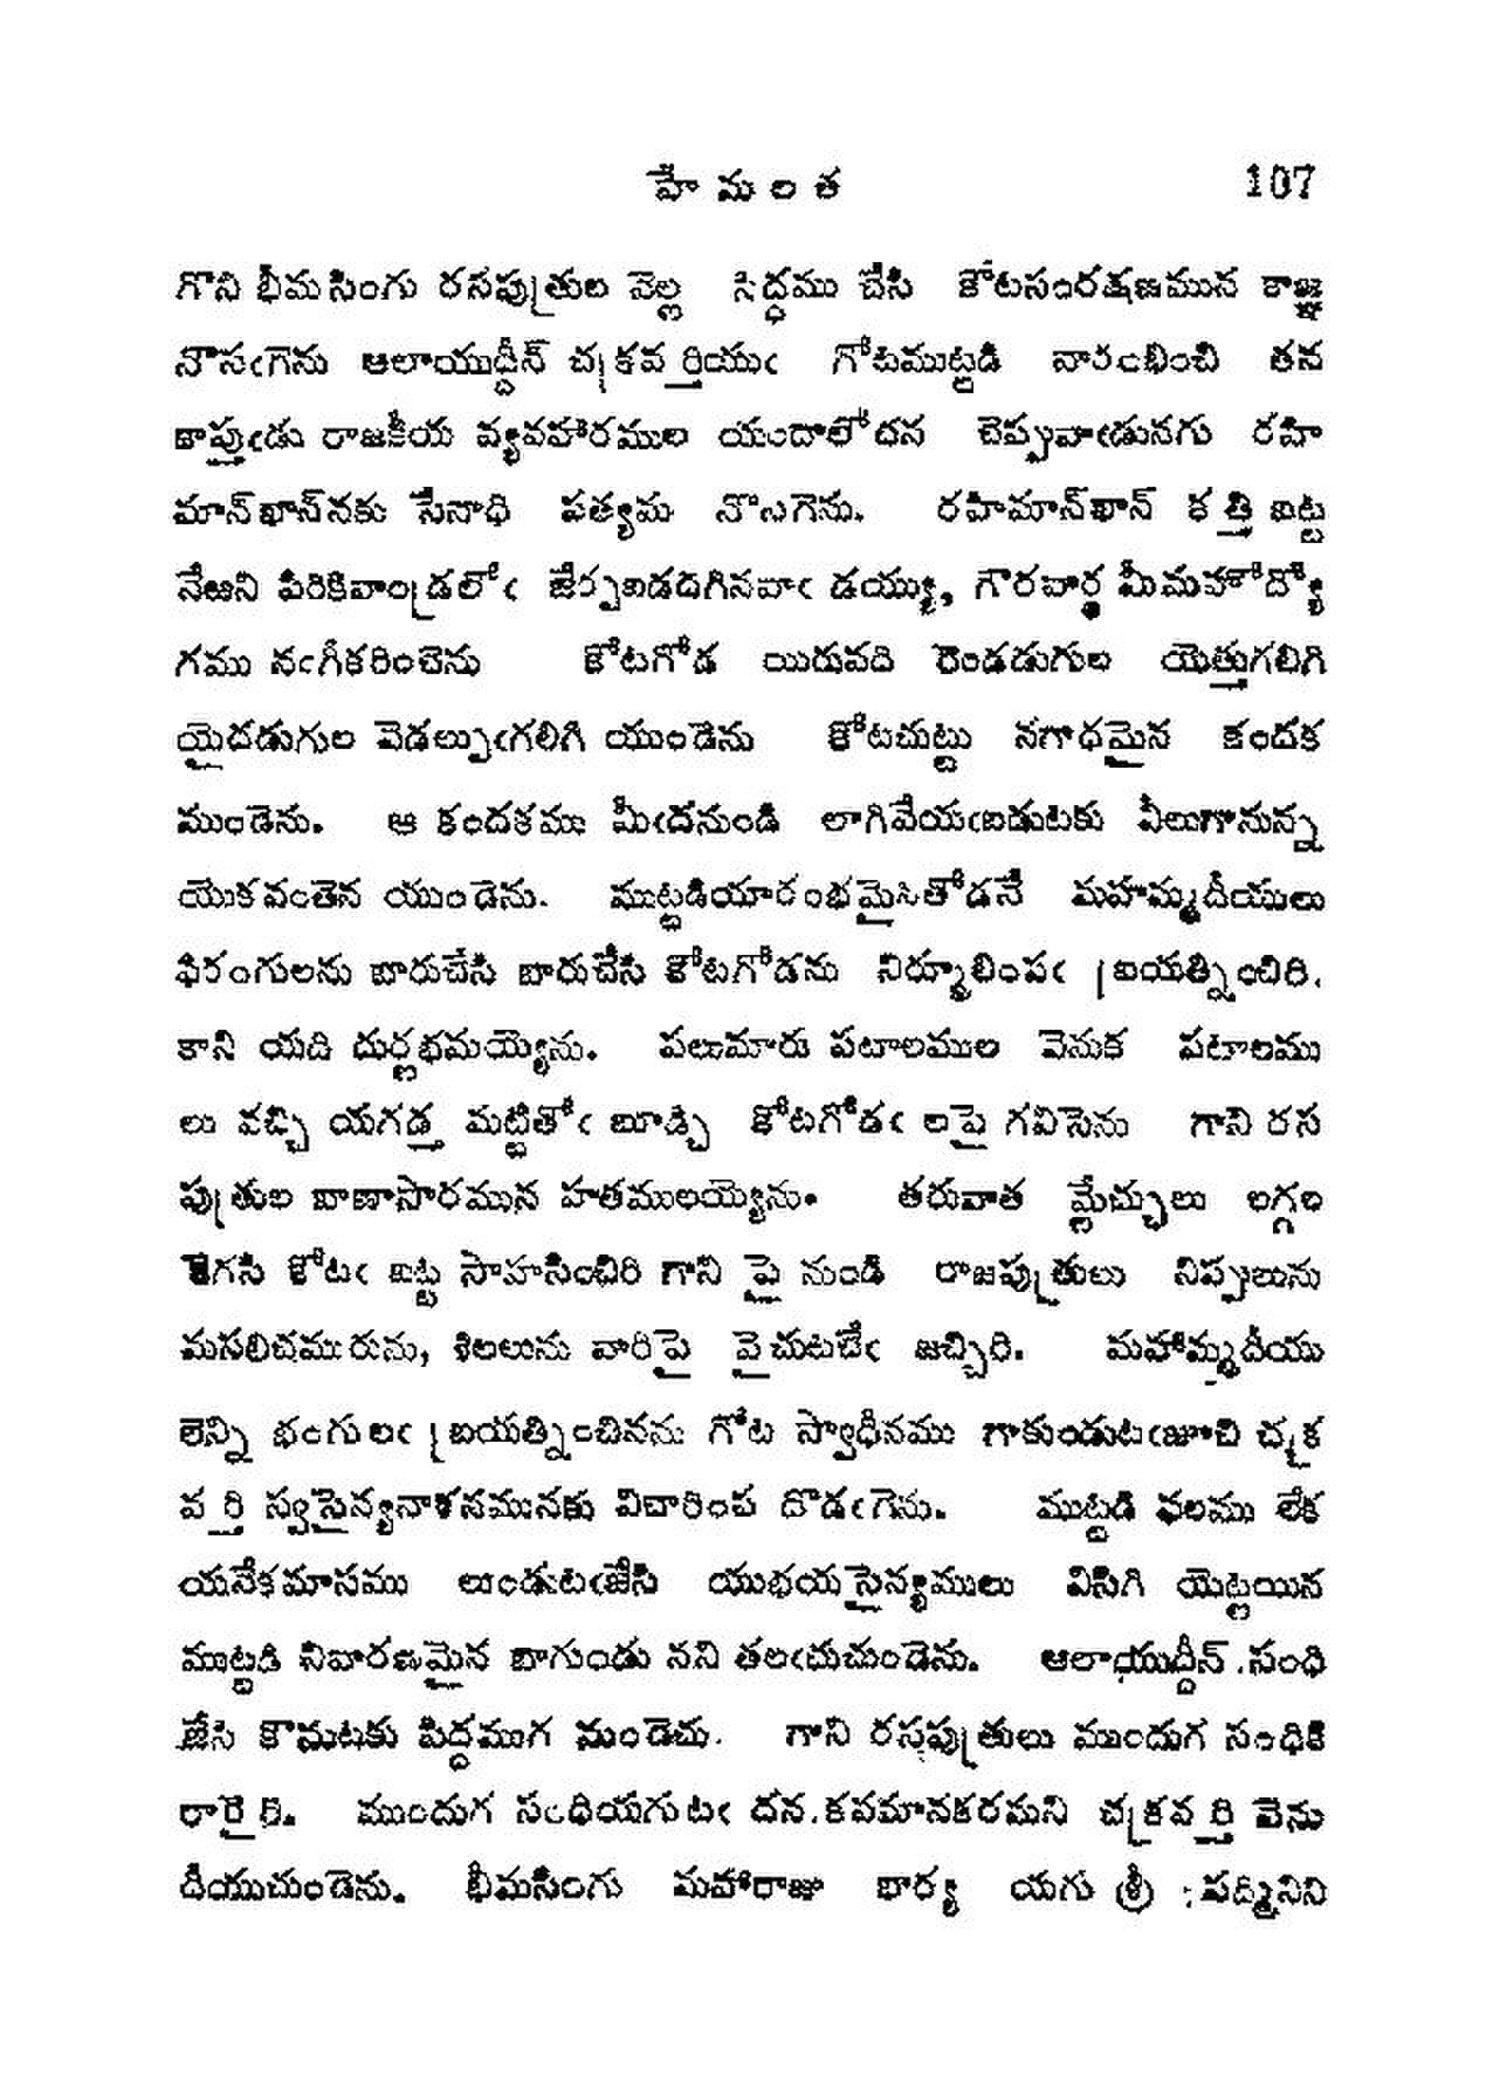గొని భీమసింగు రసపుత్రుల నెల్ల సిద్ధముచేసి కోట సంరక్షణమున కాజ్ఞనొసఁగెను. అలాయుద్దీన్ చక్రవర్తియుఁ గోటముట్టడి నారంభించి తన కాప్తుఁడు రాజకీయ వ్యవహారముల యందాలోచన చెప్పువాఁడునగు రహిమాన్ ఖాన్ నకు సేనాధిపత్యము నొసగెను. రహిమాన్ ఖాన్ కత్తి బట్టనేఱని పిరికివాండ్రలోఁ జేర్పబడదిగినవాఁడయ్యు, గౌరవార్థ మీమహోద్యోగము నంగీకరించెను. కోటగోడ యిరువది రెండడుగుల యెత్తుగలిగి యైదడుగుల వెడల్పుగలిగి యుండెను. కోటచుట్టు నగాధమైన కందక ముండెను. ఆ కందకము మీదనుండి లాగివేయబడు టకు వీలుగానున్న యొక వంతెన యుండెను. ముట్టడి యారంభమైనతోడనే మహమ్మదీయుల ఫిరంగులను బారుచేసి బారుచేసి కోటగోడను నిర్మూలింప బ్రయత్నించిరి. కాని యది దుర్లభమయ్యెను. పలుమారు పటాలముల వెనుక పటాలములు వచ్చి యగడ్త మట్టితోఁ బూడ్చి కోటగోడలపై గవిసెను గాని రసపుత్రుల బాణాసారమున హతములయ్యెను. తరువాత మ్లేచ్ఛులు లగ్గలకెగసి కోటఁ బట్ట సాహసించిరి గాని పై నుండి రాజపుత్రులు నిప్పులును మసలినచమురును, శిలలును వారిపై వైచుటచేఁ జచ్చిరి. మహమ్మదీయు లెన్ని భంగుల బ్రయత్నించినను గోటస్వాధీనము గాకుండుటజూచి చక్రవర్తి స్వసైన్యనాశనమునకు విచారింప దొడఁగెను. ముట్టడి ఫలము లేక యనేకమాసము లుండుటఁజేసి యుభయసైన్యములు విసిగి యెట్లయిన ముట్టడి నివారణమైన బాగుండునని తలఁచుచుండెను. అలాయుద్దీన్ సంధిజేసి కొనుటకు సిద్ధముగ నుండెను. గాని రసపుత్రులు ముందుగ సంధికి రారైరి. ముందుగ సంధియగుట దన కవమానకరమని చక్రవర్తి వెనుదీయుచుండెను. భీమసింగు మహారాజు భార్య యగు శ్రీ పద్మినిని